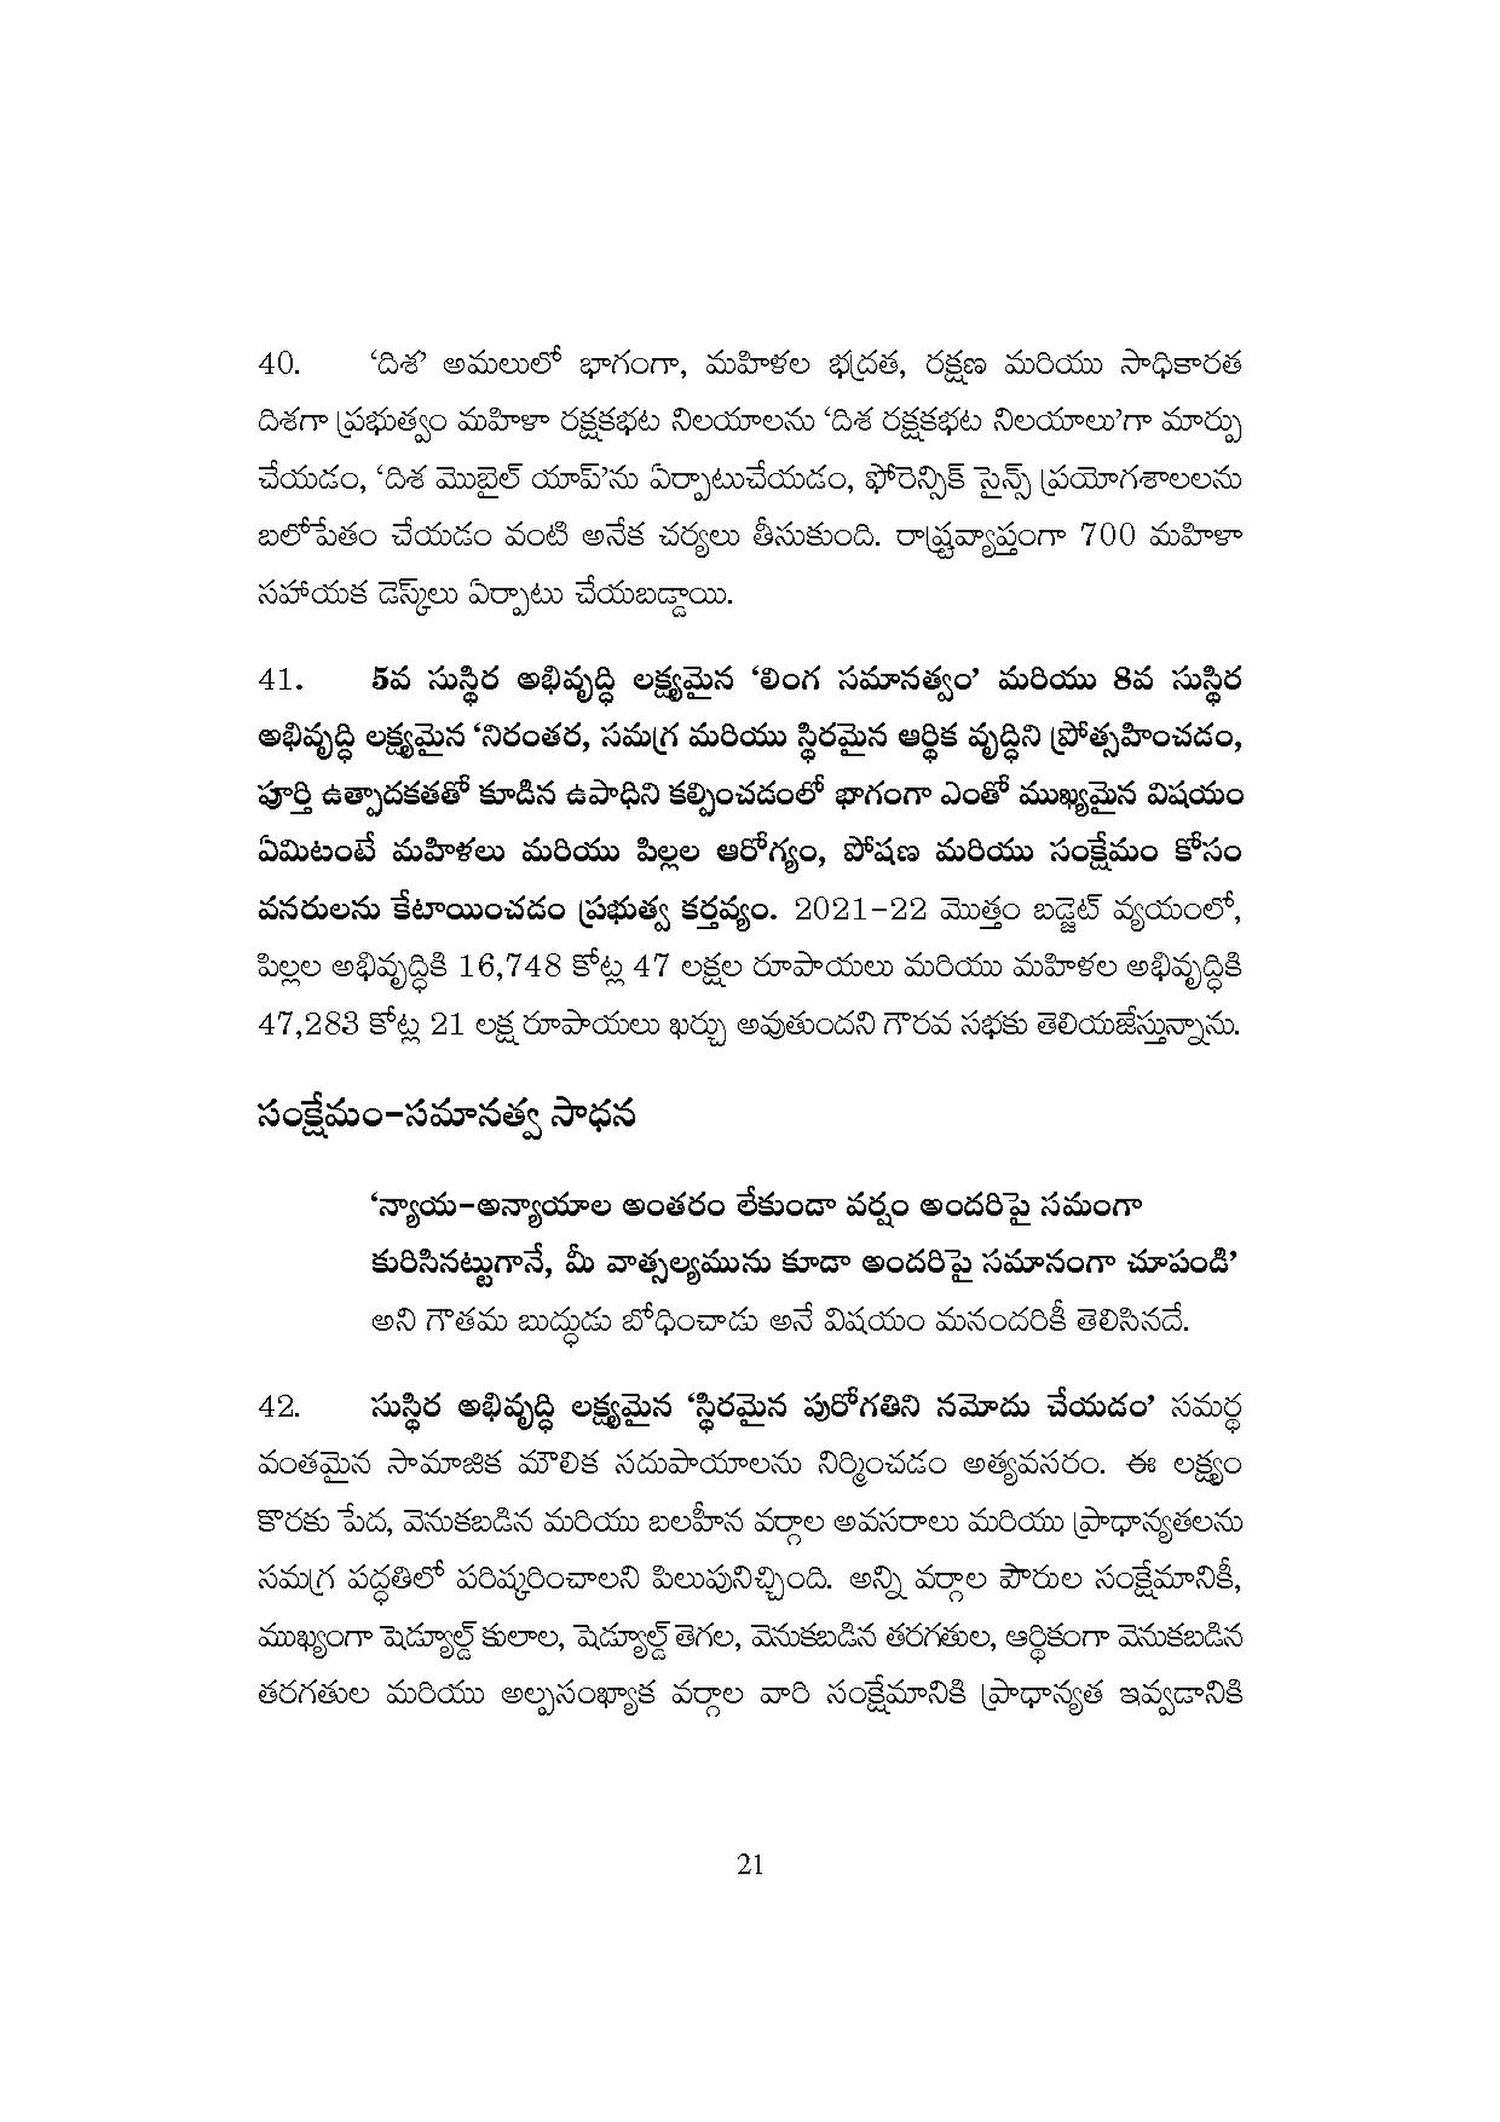40. 'దిశ' అమలులో భాగంగా, మహిళల భద్రత, రక్షణ మరియు సాధికారత
దిశగా ప్రభుత్వం మహిళా రక్షకభట నిలయాలను 'దిశ రక్షకభట నిలయాలు'గా మార్పు
చేయడం, 'దిశ మొబైల్ యాప్'ను ఏర్పాటుచేయడం, ఫోరెన్సిక్ సైన్స్ ప్రయోగశాలలను
బలోపేతం చేయడం వంటి అనేక చర్యలు తీసుకుంది. రాష్ట్రవ్యాప్తంగా 700 మహిళా
సహాయక డెలు ఏర్పాటు చేయబడ్డాయి.

41. 5వ సుస్థిర అభివృద్ధి లక్ష్యమైన 'లింగ సమానత్వం' మరియు 8వ సుస్థిర అభివృద్ధి లక్ష్యమైన 'నిరంతర, సమగ్ర మరియు స్థిరమైన ఆర్థిక వృద్ధిని ప్రోత్సహించడం, పూర్తి ఉత్పాదకతతో కూడిన ఉపాధిని కల్పించడంలో భాగంగా ఎంతో ముఖ్యమైన విషయం ఏమిటంటే మహిళలు మరియు పిల్లల ఆరోగ్యం, పోషణ మరియు సంక్షేమం కోసం వనరులను కేటాయించడం ప్రభుత్వ కర్తవ్యం. 2021-22 మొత్తం బడ్జెట్ వ్యయంలో,
పిల్లల అభివృద్ధికి 16,748 కోట్ల 47 లక్షల రూపాయలు మరియు మహిళల అభివృద్ధికి
47,283 కోట్ల 21 లక్ష రూపాయలు ఖర్చు అవుతుందని గౌరవ సభకు తెలియజేస్తున్నాను.

సంక్షేమం-సమానత్వ సాధన

’న్యాయ-అన్యాయాల అంతరం లేకుండా వర్షం అందరిపై సమంగా కురిసినట్టుగానే, మీ వాత్సల్యమును కూడా అందరిపై సమానంగా చూపండి' 
అని గౌతమ బుద్ధుడు బోధించాడు అనే విషయం మనందరికీ తెలిసినదే.

42. సుస్థిర అభివృద్ధి లక్ష్యమైన 'స్థిరమైన పురోగతిని నమోదు చేయడం' సమర్థ
వంతమైన సామాజిక మౌలిక సదుపాయాలను నిర్మించడం అత్యవసరం. ఈ లక్ష్యం
కొరకు పేద, వెనుకబడిన మరియు బలహీన వర్గాల అవసరాలు మరియు ప్రాధాన్యతలను
సమగ్ర పద్ధతిలో పరిష్కరించాలని పిలుపునిచ్చింది. అన్ని వర్గాల పౌరుల సంక్షేమానికీ,
ముఖ్యంగా షెడ్యూల్డ్ కులాల, షెడ్యూల్డ్ తెగల, వెనుకబడిన తరగతుల, ఆర్థికంగా వెనుకబడిన
తరగతుల మరియు అల్పసంఖ్యాక వర్గాల వారి సంక్షేమానికి ప్రాధాన్యత ఇవ్వడానికి